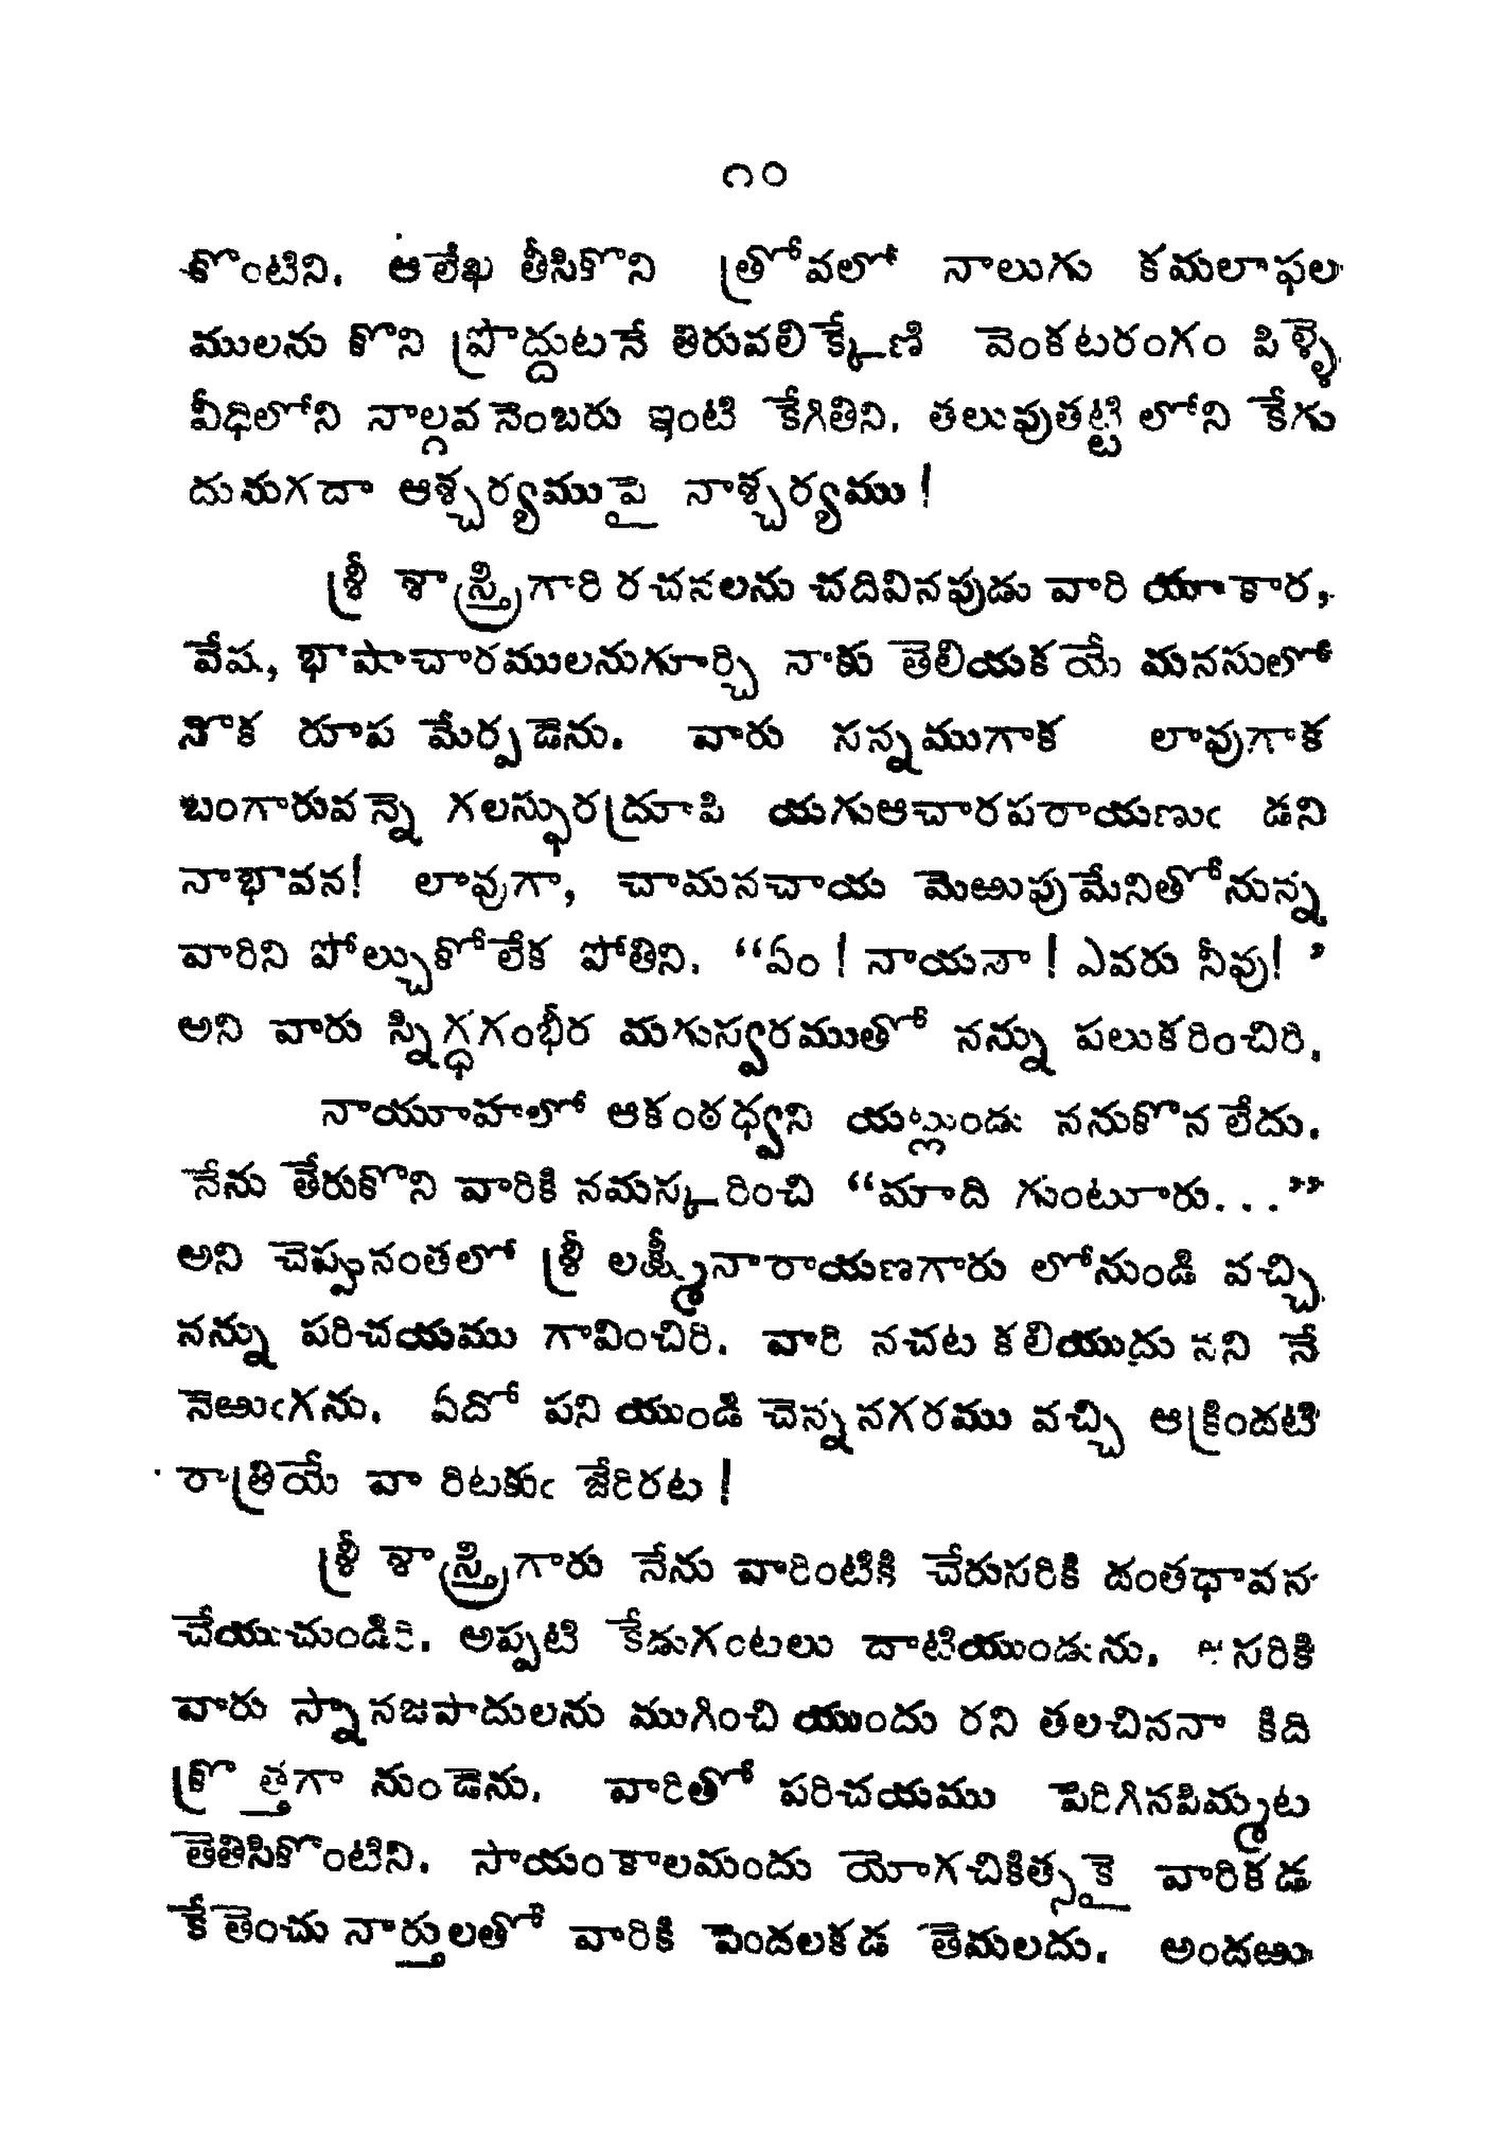కొంటిని. ఆ లేఖ తీసికొని త్రోవలో నాలుగు కమలాఫలములను కొని ప్రొద్దుటనే తిరువలి క్కేణి వెంకటరంగం పిళ్ళె వీధి లోని నాల్గవ నెంబరు ఇంటి కేగితిని. తలుపు తట్టి లోని కేగుదునుగదా ఆశ్చర్యము పై నాశ్చర్యము!

శ్రీ శాస్త్రిగారి రచనలను చదివినపుడు వారి యాకార, వేష, భాషాచారములను గూర్చి నాకు తెలియక యే మనసులో నొక రూప మేర్పడెను. వారు సన్నముగాక లావుగాక బంగారువన్నెగల స్ఫురద్రూపి యగు ఆ చారపరాయణుఁ డని నా భావన! లావుగా, చామనచాయ మెఱుపు మేనితో నున్న వారిని పోల్చుకోలేక పోతిని. "ఏం! నాయనా! ఎవరు నీవు!" అని వారు స్నిగ్ధగంభీరమగు స్వరముతో నన్ను పలుకరించిరి. 

నా యూహలో ఆ కంఠధ్వని యట్లుండు ననుకొనలేదు.నేను తేరుకొని వారికి నమస్కరించి " మాది గుంటూరు..." అని చెప్పునంతలో శ్రీలక్ష్మి నారాయణగారు లోనుండి వచ్చి నన్ను పరిచయము గావించిరి. వారి నచట కలియుదు నని నే నెఱుఁగను. ఏదో పనియుండి చెన్న నగరము వచ్చి ఆ క్రిందటి రాత్రియే వారిటకుఁ జేరిరట!

శ్రీ శాస్త్రిగారు నేను వారింటికి చేరుసరికి దంతధావన చేయుచుండిరి. అప్పటి కేడు గంటలు దాటియుండును. ఆసరికి వారు స్నానజపాదులను ముగించి యుందురని తలచిన నా కిది క్రొత్తగా నుండెను. వారితో పరిచయము పెరిగిన పిమ్మట తెలిసికొంటిని. సాయంకాలమందు యోగ చికిత్సకై వారికడ కేతెంచు నార్తులతో వారికి పెందలకడ తెమలదు. అందఱు